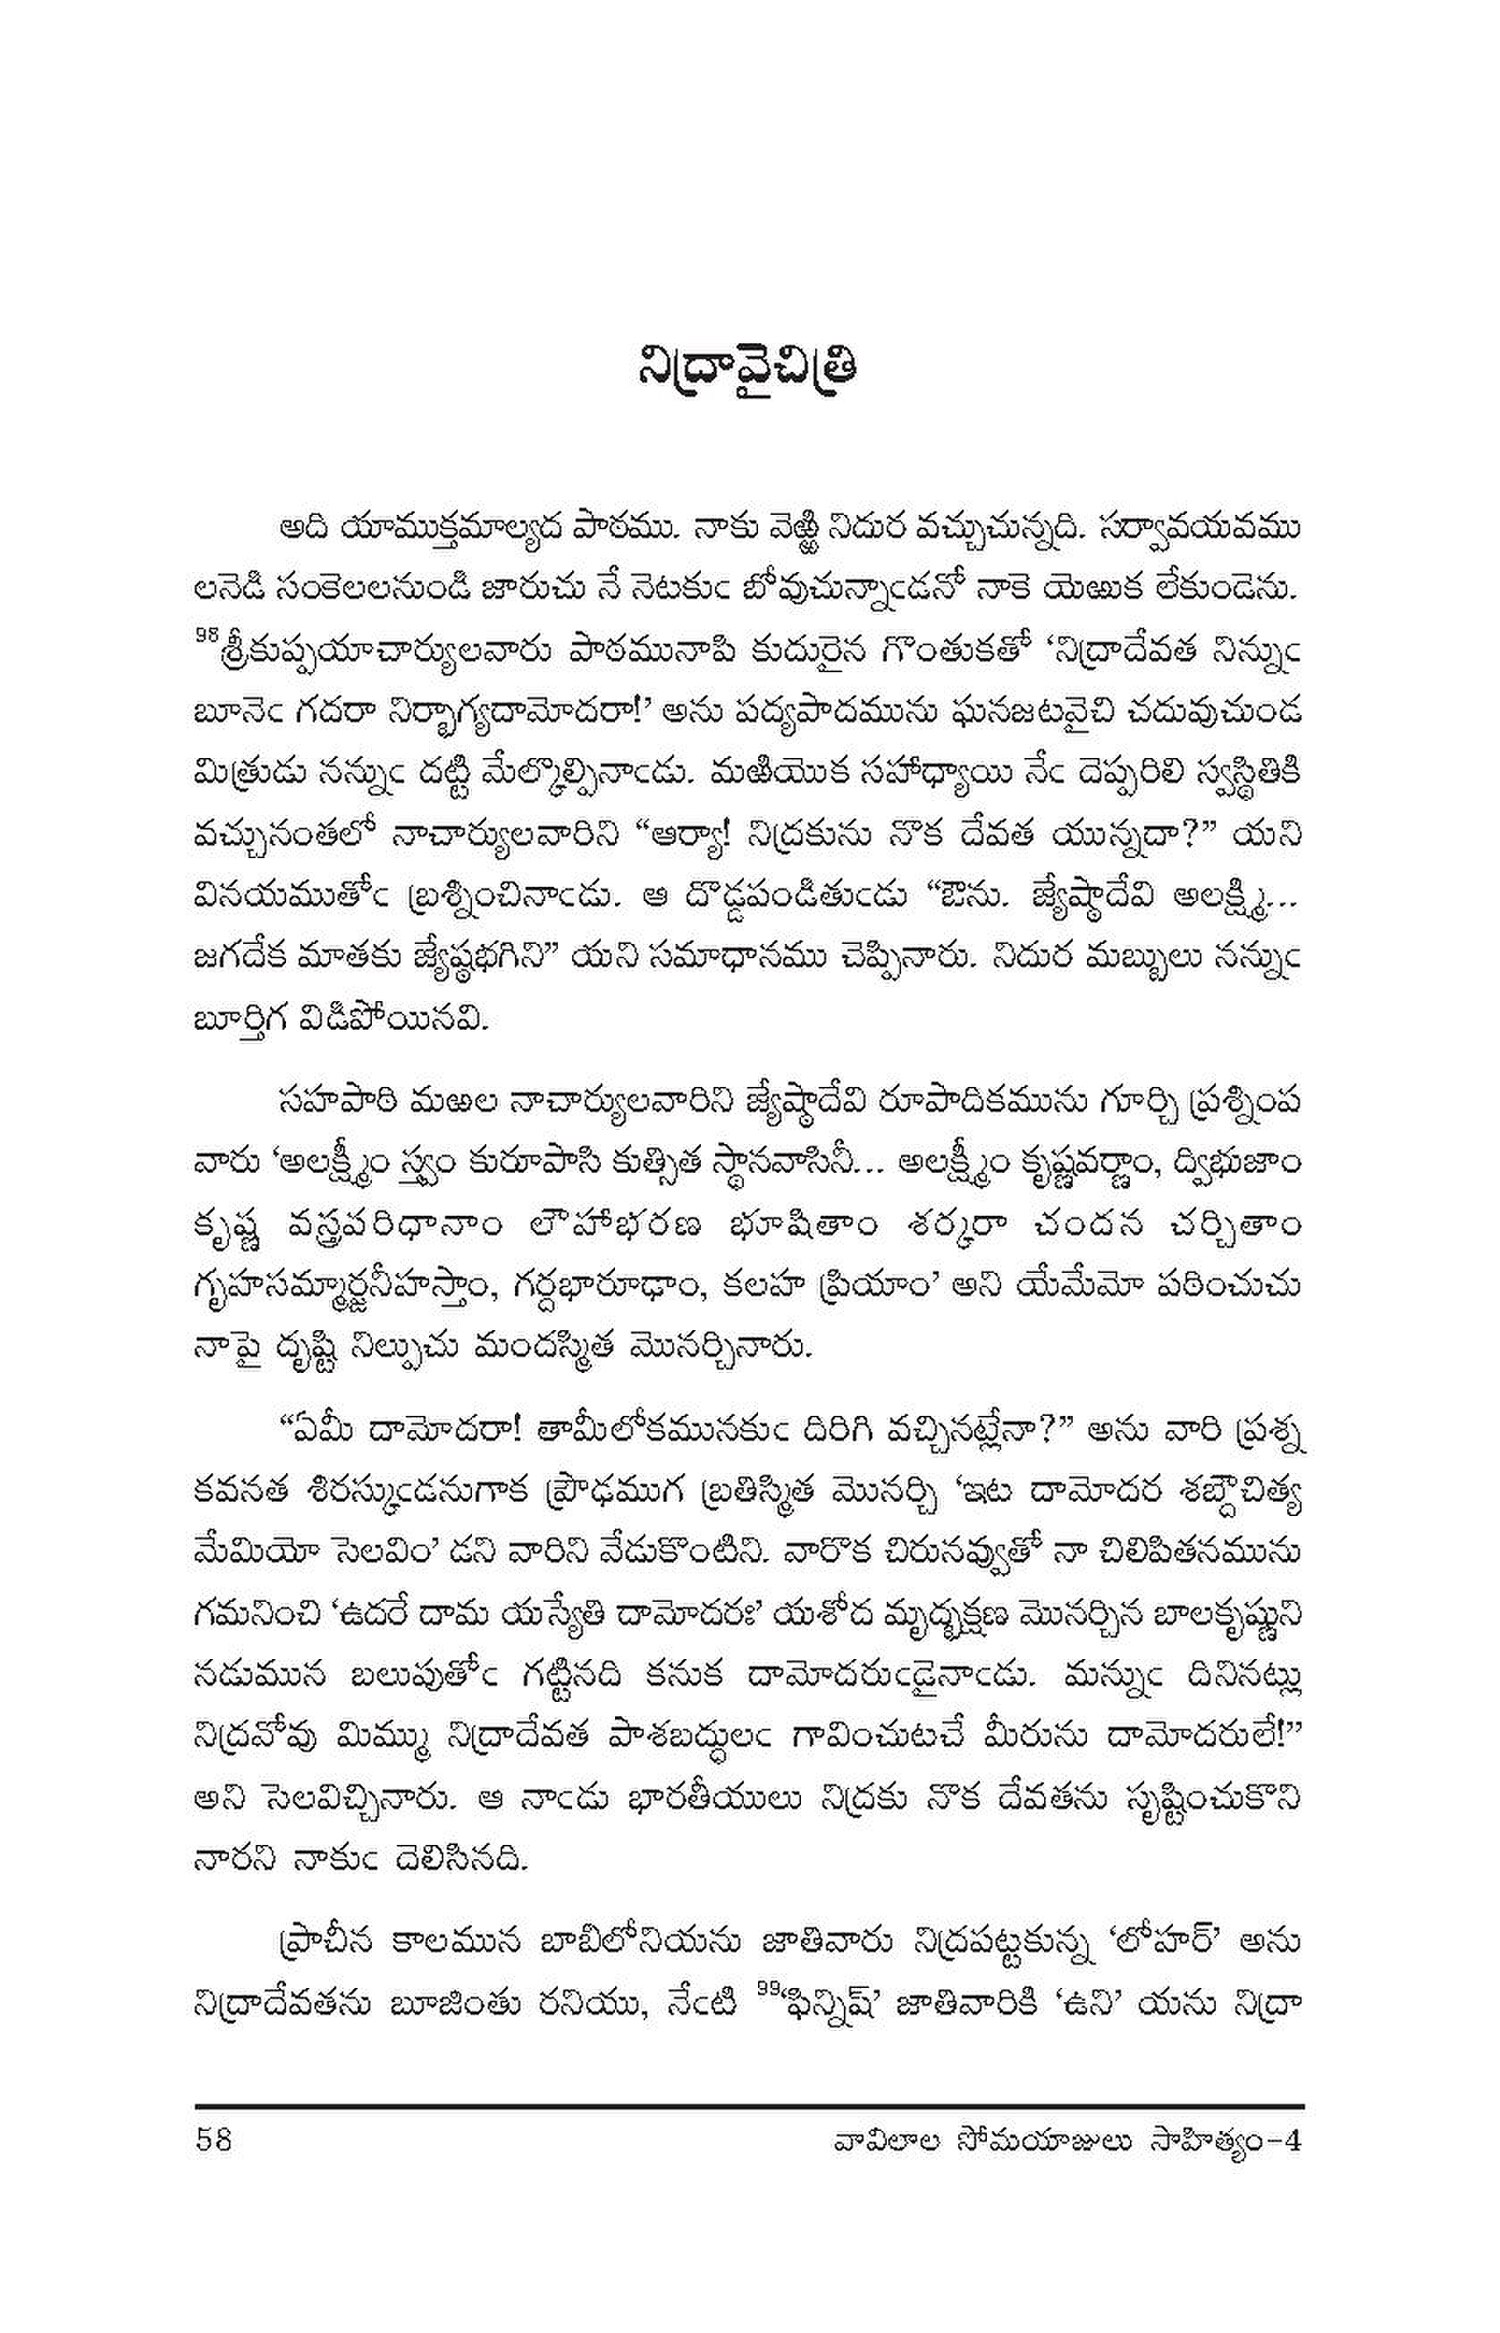అది యాముక్తమాల్యద పాఠము. నాకు వెఱ్ఱి నిదుర వచ్చుచున్నది. సర్వావయవము
లనెడి సంకెలలనుండి జారుచు నే నెటకుఁ బోవుచున్నాఁడనో నాకె యెఱుక లేకుండెను.
శ్రీకుప్పయాచార్యులవారు పాఠమునాపి కుదురైన గొంతుకతో 'నిద్రాదేవత నిన్నుఁ
బూనెఁ గదరా నిర్భాగ్యదామోదరా!' అను పద్యపాదమును ఘనజటవైచి చదువుచుండ
మిత్రుడు నన్నుఁ దట్టి మేల్కొల్పినాఁడు. మఱియొక సహాధ్యాయి నేఁ దెప్పరిలి స్వస్థితికి
వచ్చునంతలో నాచార్యులవారిని "ఆర్యా! నిద్రకును నొక దేవత యున్నదా?” యని
వినయముతోఁ బ్రశ్నించినాఁడు. ఆ దొడ్డపండితుఁడు "ఔను. జ్యేష్ఠాదేవి అలక్ష్మి...
జగదేక మాతకు జ్యేష్ఠభగిని" యని సమాధానము చెప్పినారు. నిదుర మబ్బులు నన్నుఁ
బూర్తిగ విడిపోయినవి.

సహపాఠి మఱల నాచార్యులవారిని జ్యేష్ఠాదేవి రూపాదికమును గూర్చి ప్రశ్నింప
వారు 'అలక్ష్మీం స్వం కురూపాసి కుత్సిత స్థానవాసినీ... అలక్ష్మీం కృష్ణవర్ణాం, ద్విభుజాం
కృష్ణ వస్త్రవరిధానం లౌహాభరణ భూషితాం శర్కరా చందన చర్చితాం
గృహసమ్మార్జనీహస్తాం, గర్దభారూఢాం, కలహ ప్రియాం' అని యేమేమో పఠించుచు
నాపై దృష్టి నిల్పుచు మందస్మిత మొనర్చినారు.

"ఏమీ దామోదరా! తామీలోకమునకుఁ దిరిగి వచ్చినట్లేనా?” అను వారి ప్రశ్న
కవనత శిరస్కుఁడనుగాక ప్రౌఢముగ బ్రతిస్మిత మొనర్చి 'ఇట దామోదర శబ్దౌచిత్య
మేమియో సెలవిం’ డని వారిని వేడుకొంటిని. వారొక చిరునవ్వుతో నా చిలిపితనమును
గమనించి ‘ఉదరే దామ యస్యేతి దామోదరః' యశోద మృద్భక్షణ మొనర్చిన బాలకృష్ణుని
నడుమున బలుపుతోఁ గట్టినది కనుక దామోదరుఁడైనాఁడు. మన్నుఁ దీనినట్లు
నిద్రనోవు మిమ్ము నిద్రాదేవత పాశబద్ధులఁ గావించుటచే మీరును దామోదరులే!”
అని సెలవిచ్చినారు. ఆ నాఁడు భారతీయులు నిద్రకు నొక దేవతను సృష్టించుకొని
నారని నాకుఁ దెలిసినది.

ప్రాచీన కాలమున బాబిలోనియను జాతివారు నిద్రపట్టకున్న 'లోహర్' అను
నిద్రాదేవతను బూజింతు రనియు, నేఁటి ఫిన్నిష్' జాతివారికి 'ఉని' యను నిద్రా